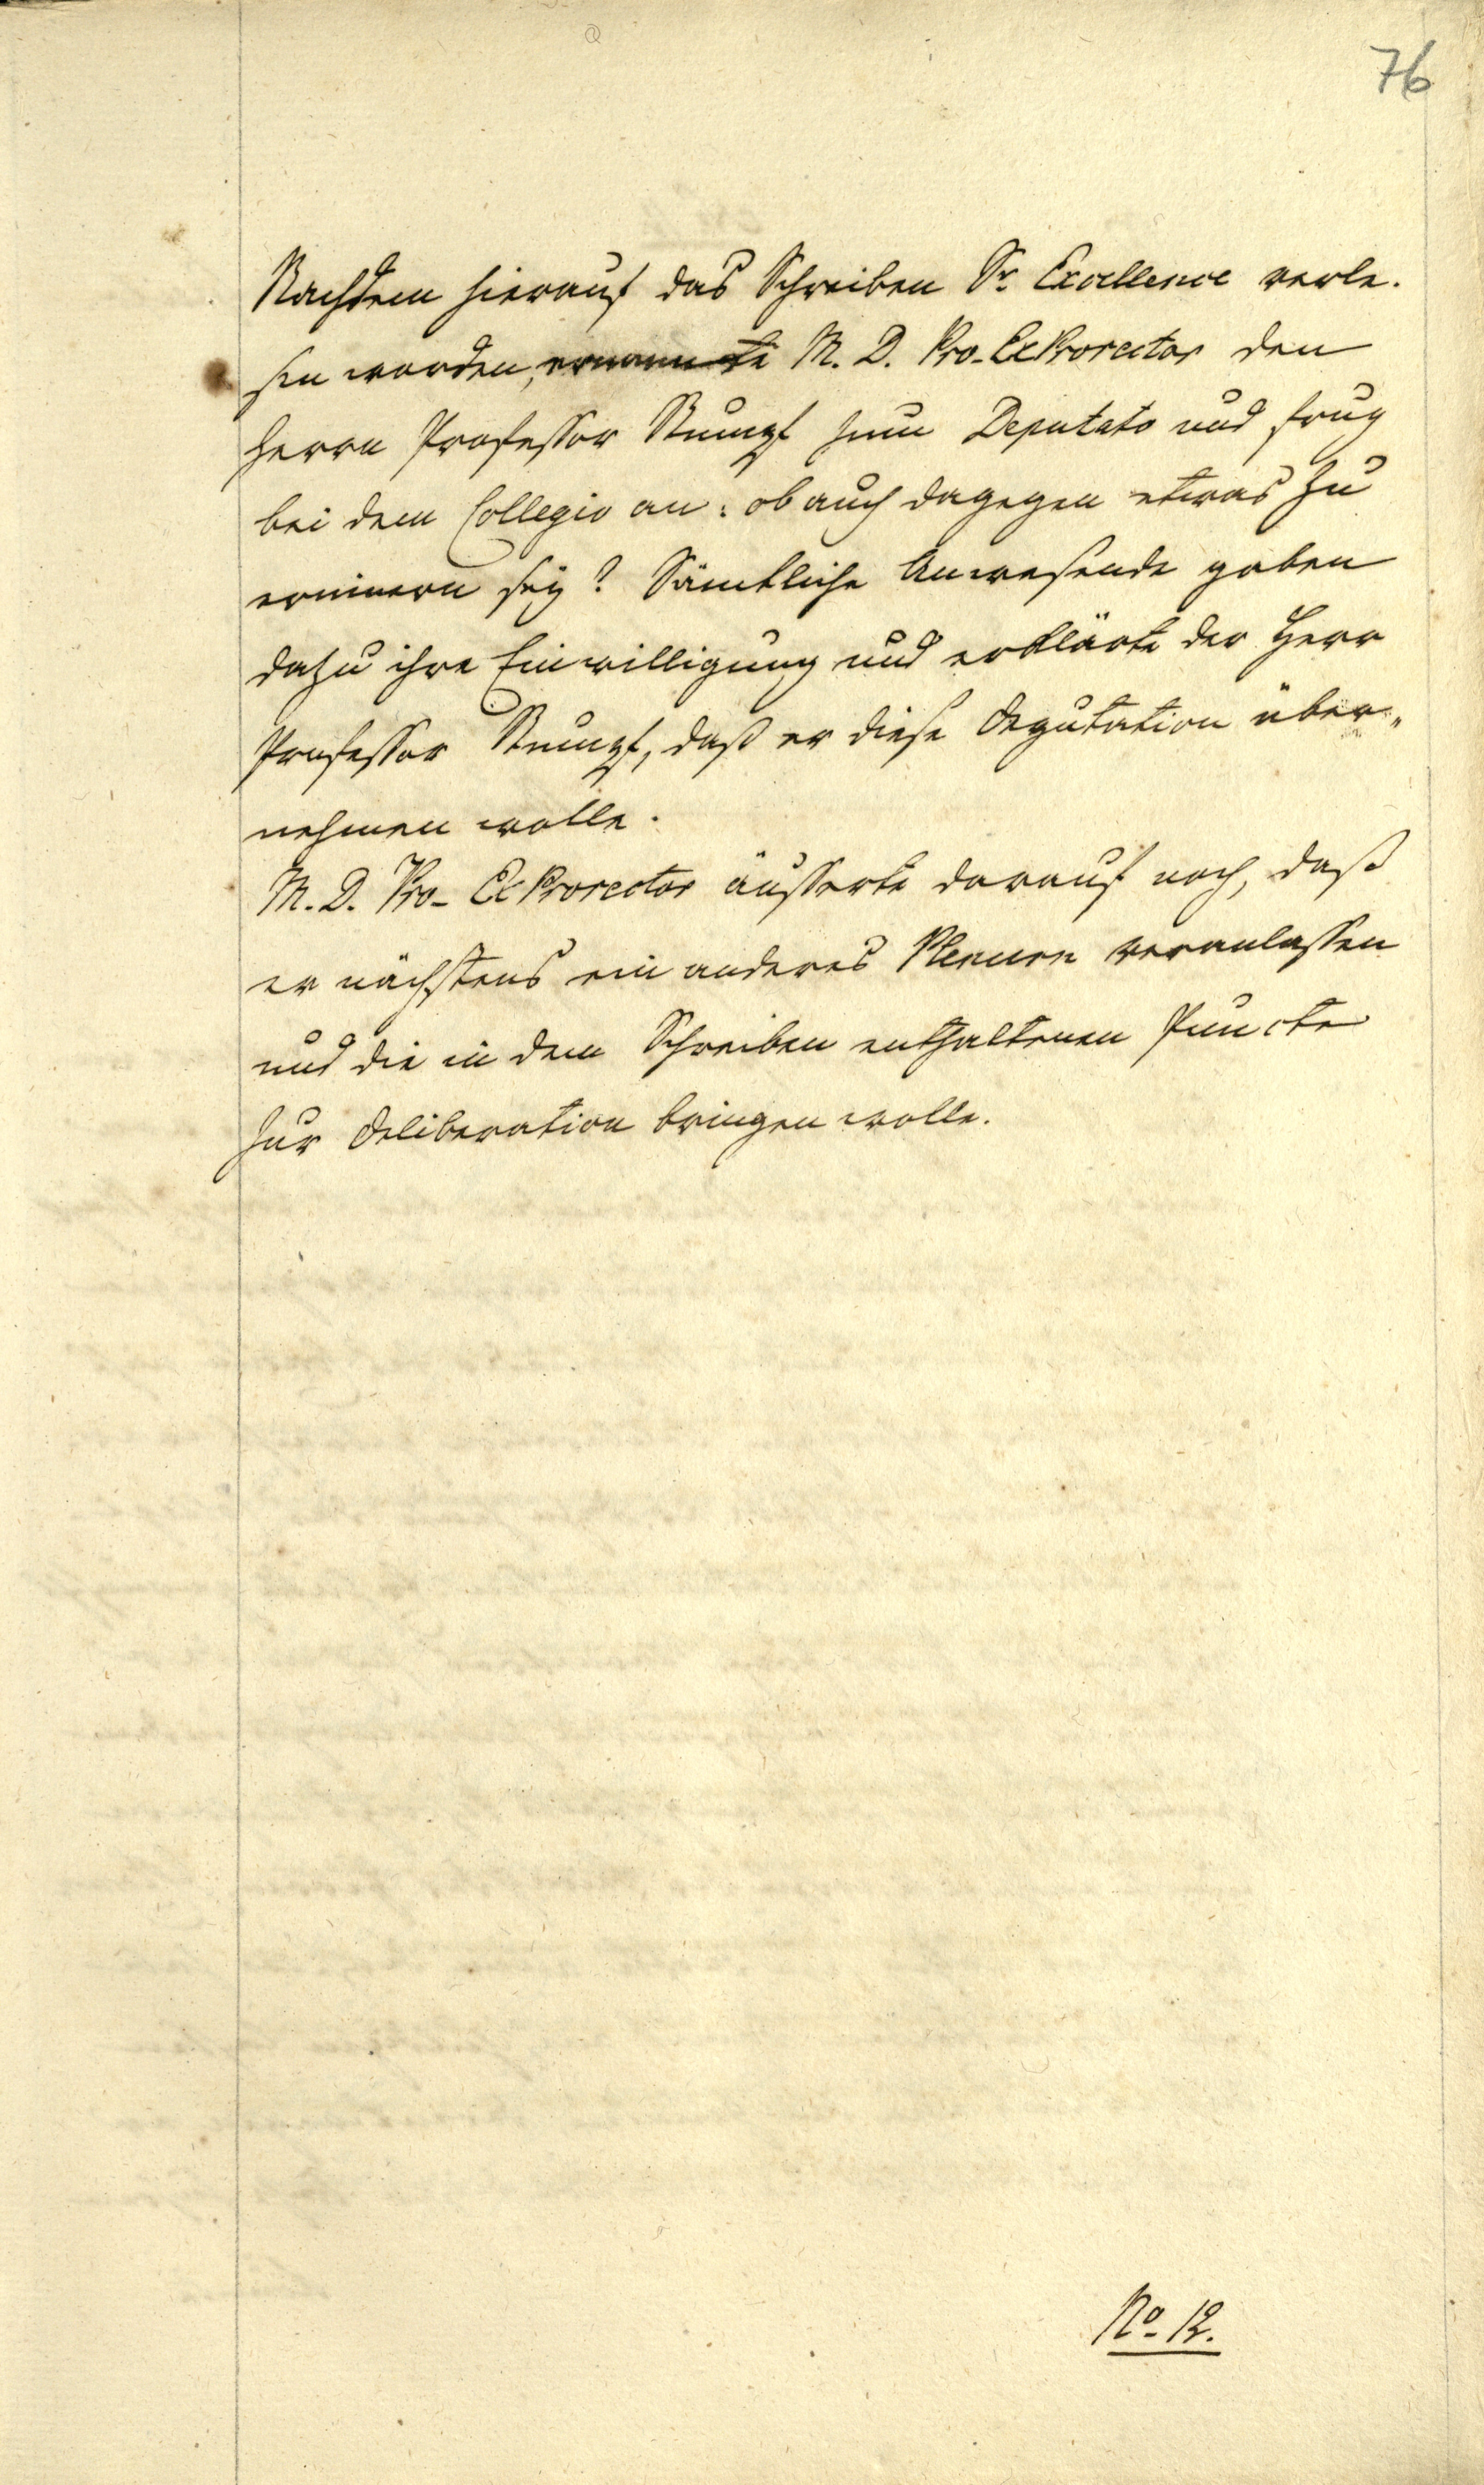Nachdem hierauf das Schreiben Sr Excellence verle¬
sen worden, ernannte M. D. Pro. ExProrector den
Herrn Professor Stumpf zum Deputato und frug
bei dem Collegio an: ob auch dagegen etwas zu
erinnern seÿ ? Sämtliche Anwesende gaben
dazu ihre Einwilligung und erklärte der Herr
Professor Stumpf, daß er diese Deputation über¬
nehmen wolle.
M. D. Pro. ExProrector äusserte darauf noch, daß
er nächstens ein anderes Plenum veranlassen
und die in dem Schreiben enthaltenen Puncte
zur Deliberation bringen wolle.
No 12.